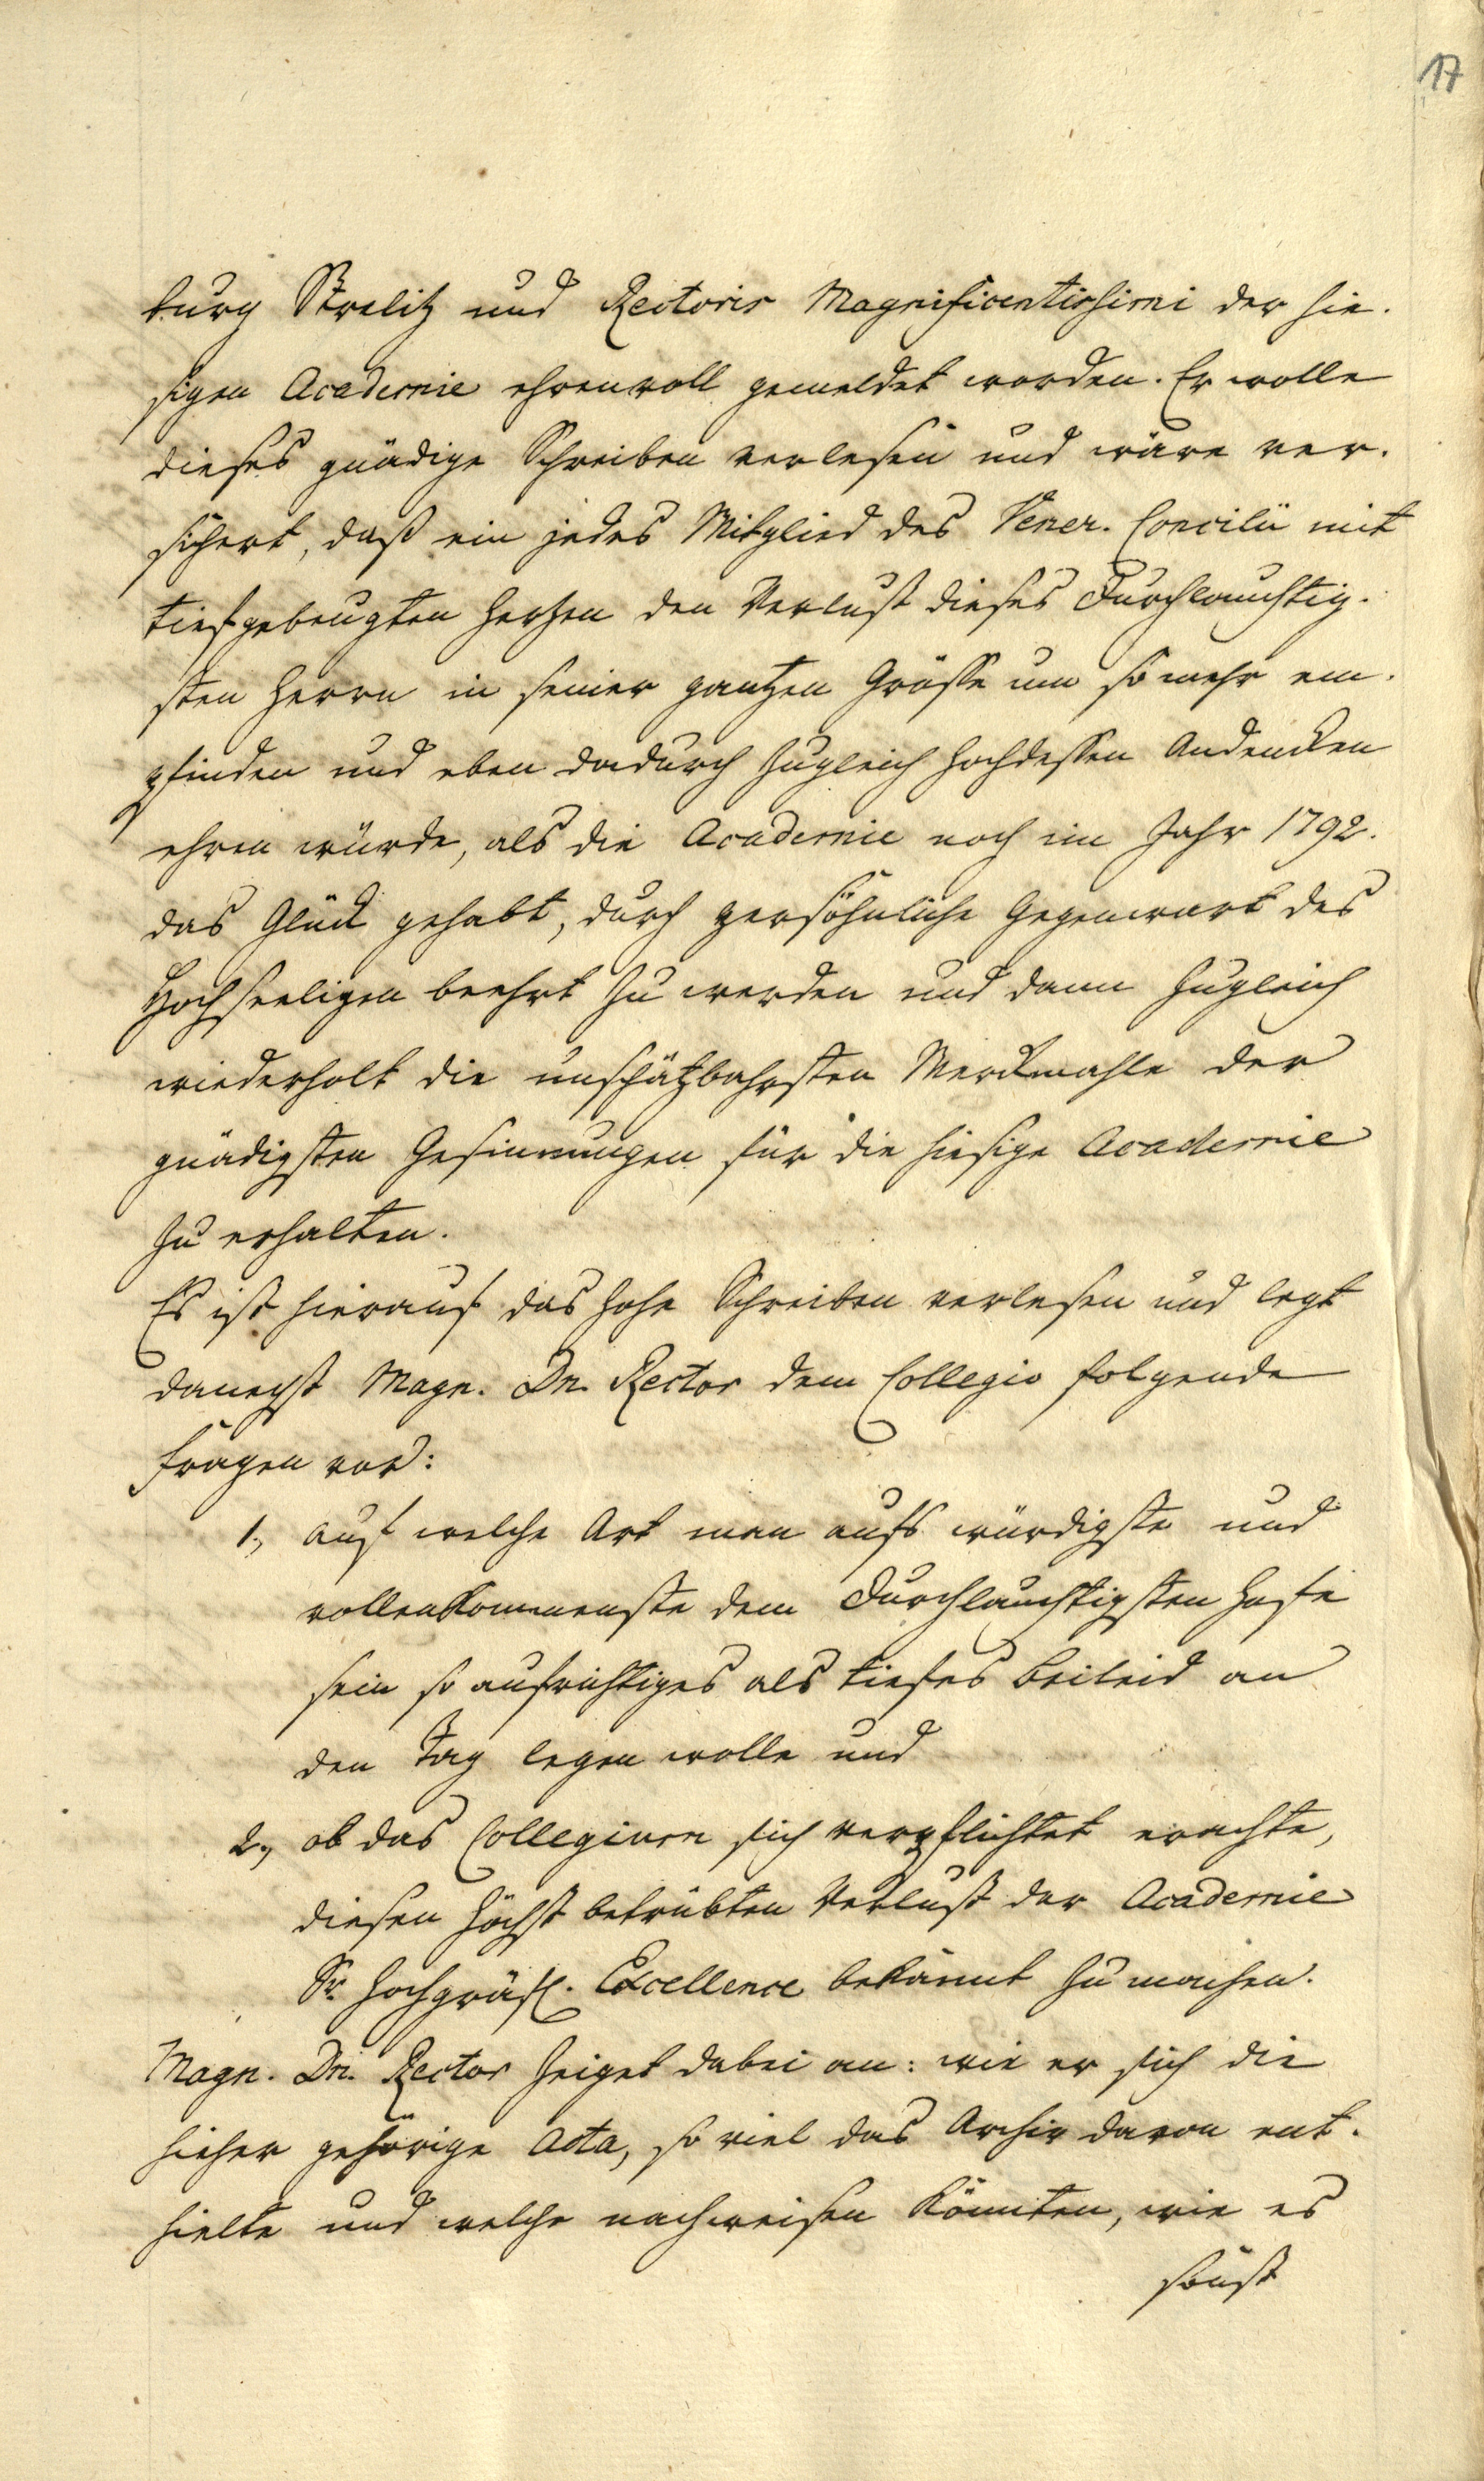burg Strelitz und Rectoris Magnificentissimi der hie-
sigen Academie ehrenvoll gemeldet worden. Er wolle
dieses gnädige Schreiben verlesen und wäre ver-
sichert, daß ein jedes Mitglied des Vener. Concilii mit
tief gebeugten Herzen den Verlust dieses durchlauchtig-
sten Herrn in seiner gantzen Grösse um so mehr em-
pfinden und eben dadurch zugleich hochdessen Andenken
ehren würde, als die Academie noch im jahr 1792
das Glück gehabt, durch persöhnliche Gegenwart des
hochseeligen beehrt zu werden und dann zugleich
wiederholt die unschätzbahrsten Merkmahle der
gnädigsten Gesinnungen für die hiesige Academie
zu erhalten.
Es ist hierauf das hohe Schreiben verlesen und legt
danechst Magn. Dn. Rector dem Collegio folgende
Fragen vor:
1., auf welche Art man aufs würdigste und
vollenkommenste dem Durchlauchtigsten hofe
sein so aufrichtiges als tiefes Beileid an
den Tag legen wolle und
2., ob das Collegium sich verpflichtet erachte,
diesen höchst betrübten Verlust der Academie
Sr. hochgräfl. Excellence bekannt zu machen.
Magn. Dn. Rector zeiget dabei an: wie er sich die
hieher gehörige Acta, so viel das Archiv davon ent-
hielte und welche nachweisen könnten, wie es
sonst